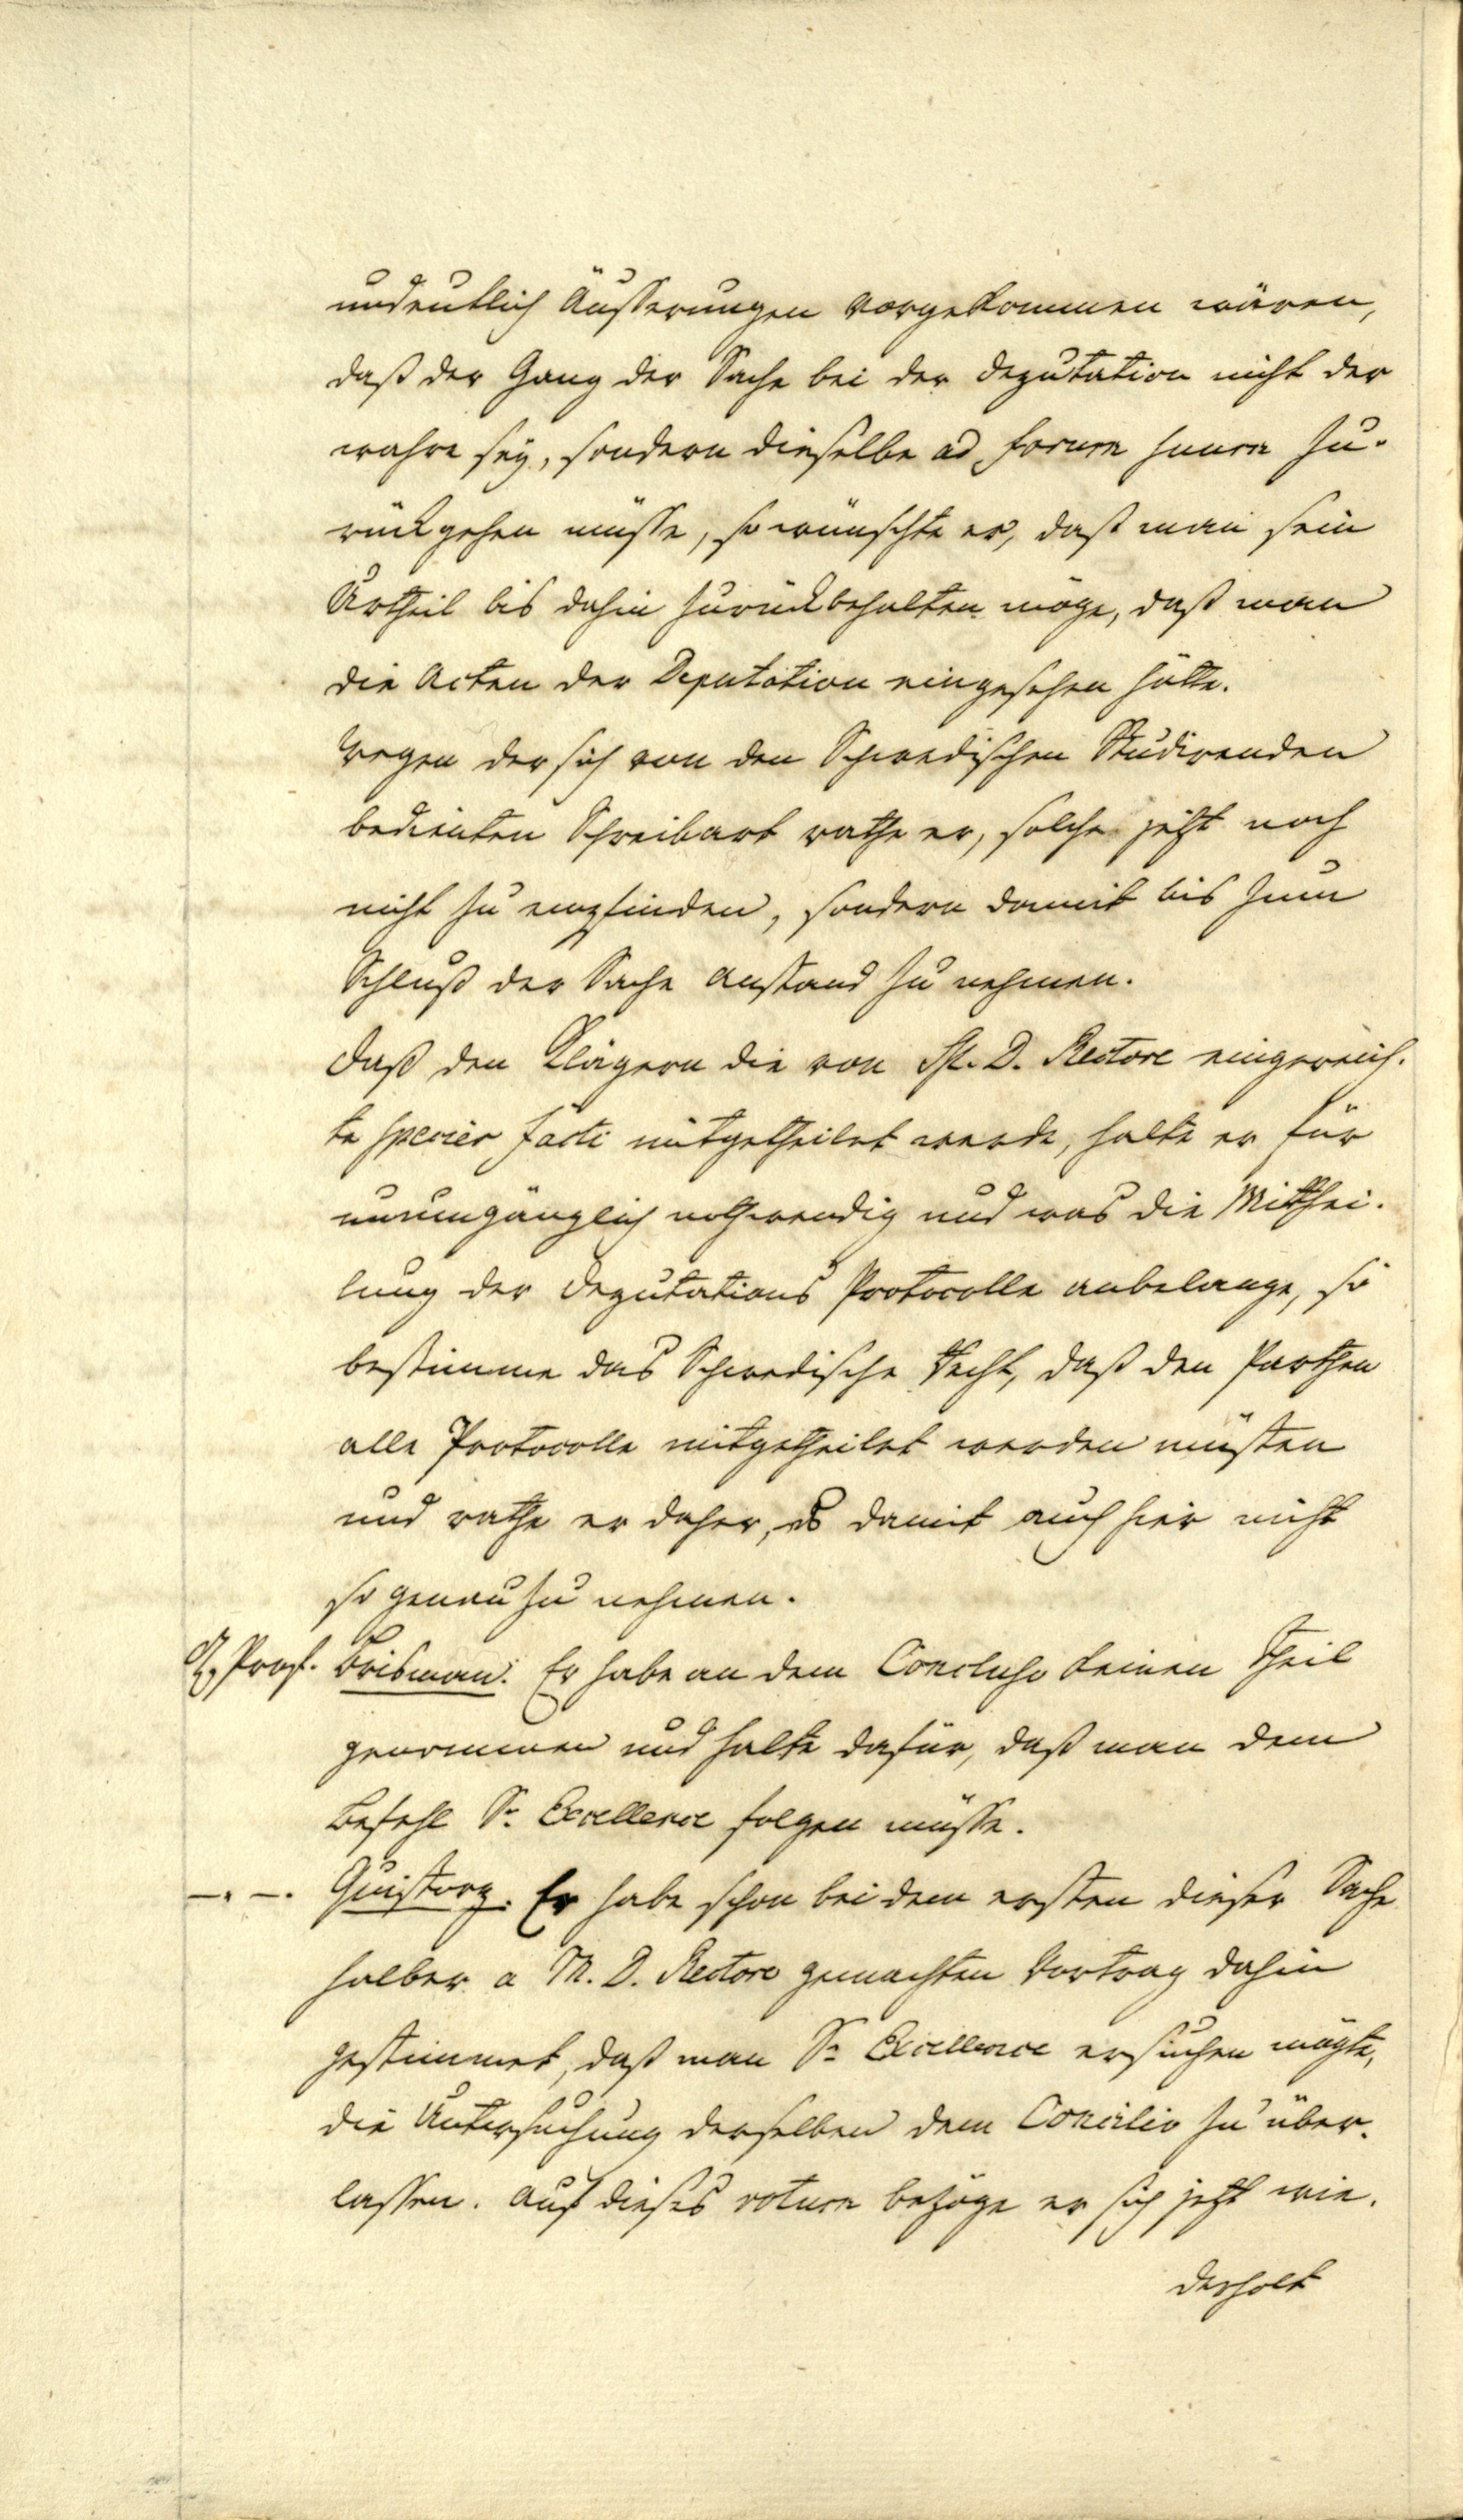undeutlich Äusserungen vorgekommen wären,
daß der Gang der Sache bei der Deputation nicht der
wahre seÿ, sondern dieselbe ad Forum jenen zu¬
rückgehen müsse, so wünschte er, daß man sein
Urtheil bis dahin zurückbehalten möge, daß man
die Acten der Deputation eingesehen hätte.
Wegen der sich von den Schwedischen Studirenden
bedienten Schreibart rathe er, solche jetzt noch
nicht zu empfinden, sondern damit bis zum
Schluß der Sache Anstand zu nehmen.
Daß den Klägern die von M. D. Rectore eingereich¬
te species Facti mitgetheilet werde, halte er für¬
unumgänglich nothwendig und was die Mitthei¬
lung der Deputations Protocolle anbelange, so
bestimme das Schwedische Recht, daß den Parthen
alle Protocolle mitgetheilet werden müßten
und rathe er daher, es damit auch hier nicht
so genau zu nehmen.
dh. Prof. Brisman. Er habe an dem Concluso keinen Theil
genommen und halte dafür, daß man dem
Befehl Sr. Excellence folgen müsse.
Quistorp. Er habe schon bei dem ersten dieser Sache
halber a M. D. Rectore gemachten Vortrag dahin
gestimmt, daß man Sr Excellence ersuchen mögte
die Untersuchung derselben dem Concilio zu über¬
lassen. Auf dieses votum bezöge er sich jetzt wie¬
derholt